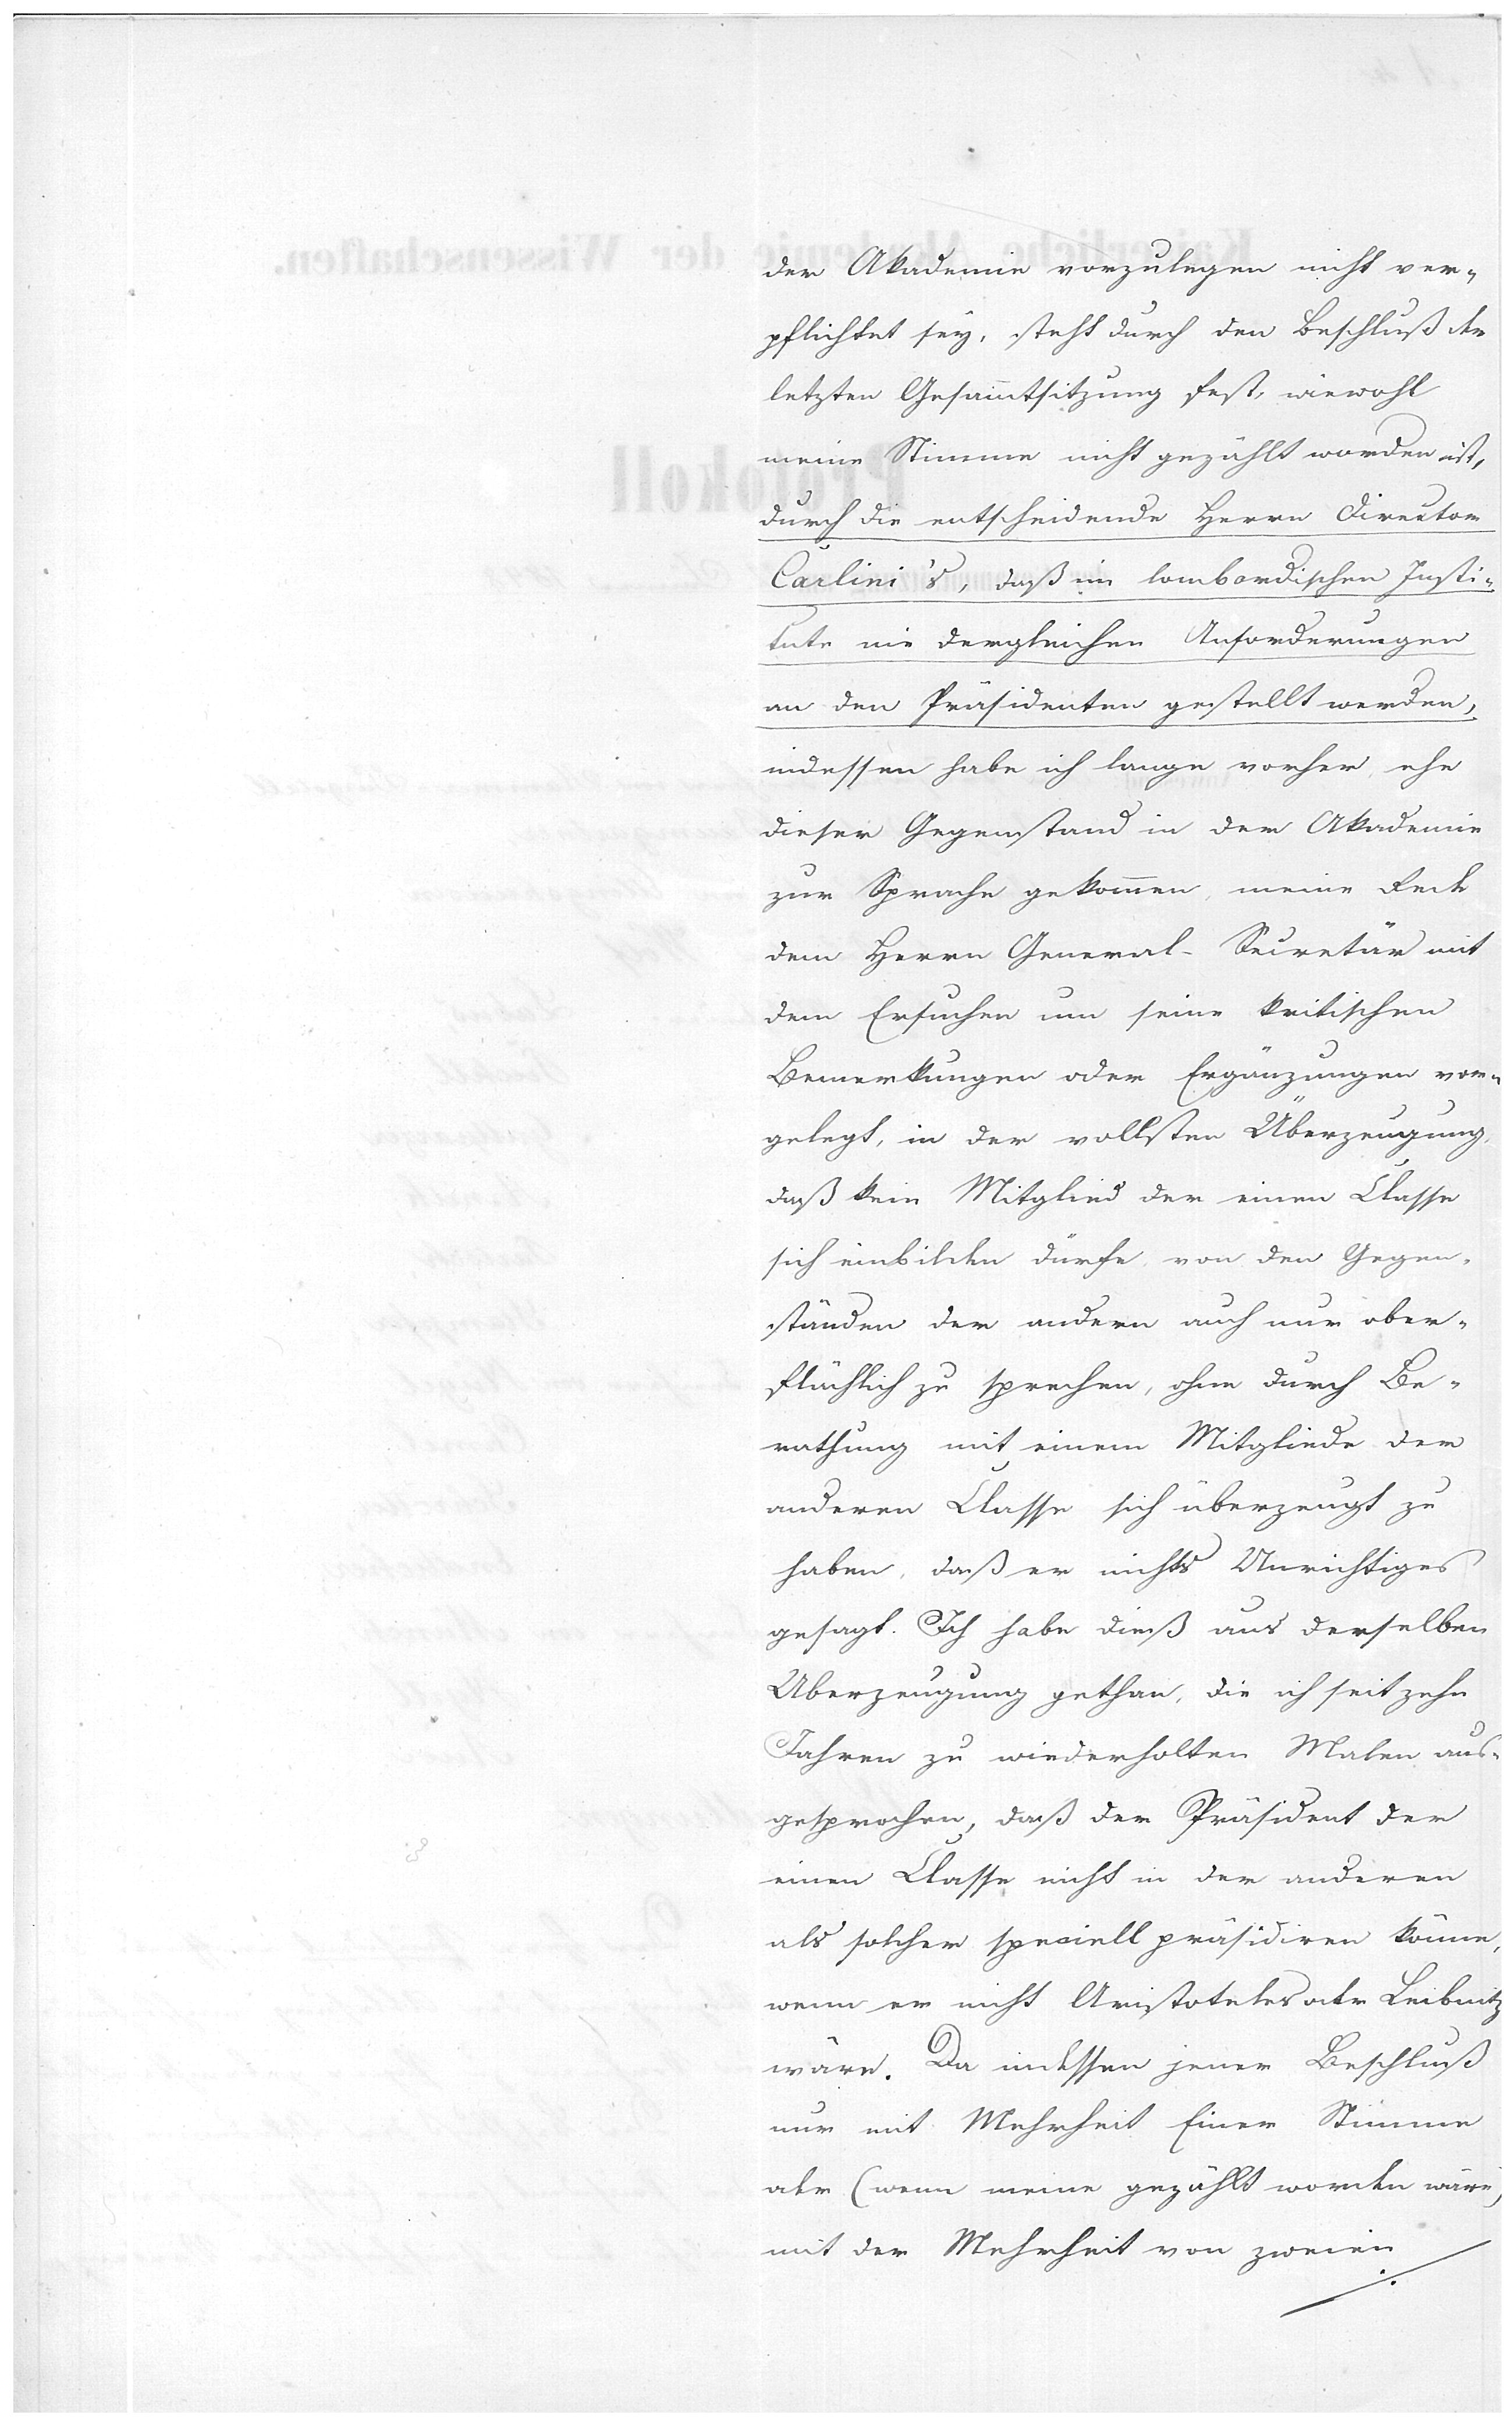der Akademie vorzulegen nicht ver-
Pflichtet sey, steht durch den Beschluß der
letzten Gesammtsitzung fest, wiewohl
meine Stimme nicht gezählt worden ist,
durch die entscheidene Herrn Director
Carlini's, daß im lombardischen Insti-
tute nie dergleichen Anforderungen
von den Präsidenten gestellt werden,
indessen habe ich lange vorher, ehe
dieser Gegenstand in der Akademie
zur Sprache gekommen, meine Rede
dem Herrn General-Secretär mit
dem Ersuchen um seine kritischen
Bemerkungen oder Ergänzungen vor-
gelegt, in der vollsten Überzeugung,
daß kein Mitglied der einen Classe
sich einbilden dürfe, von den Gegen-
ständen der andern auch nur ober-
flächlich zu sprechen, ohne durch be-
rathung mit einem Mitgliede der
enderen Classe sich überzeugt zu
haben, daß er nichts Unrichtiges
gesagt. Ich habe dieß aus derselben
Uberzeugung gethan, die ich seit zehn
Jahren zu wiederholten Malen aus-
gesprochen, daß der Präsident der
einen Classe nicht in der anderen
als solcher speziell präsidiren könne,
wenn er nicht Aristoteles oder Leibnitz
wäre. Da indessen jener Beschluß
nur mit Mehrheit Einer Stimme
aber (wenn meine gezählt worden wäre)
mit der Mehrheit von zweien